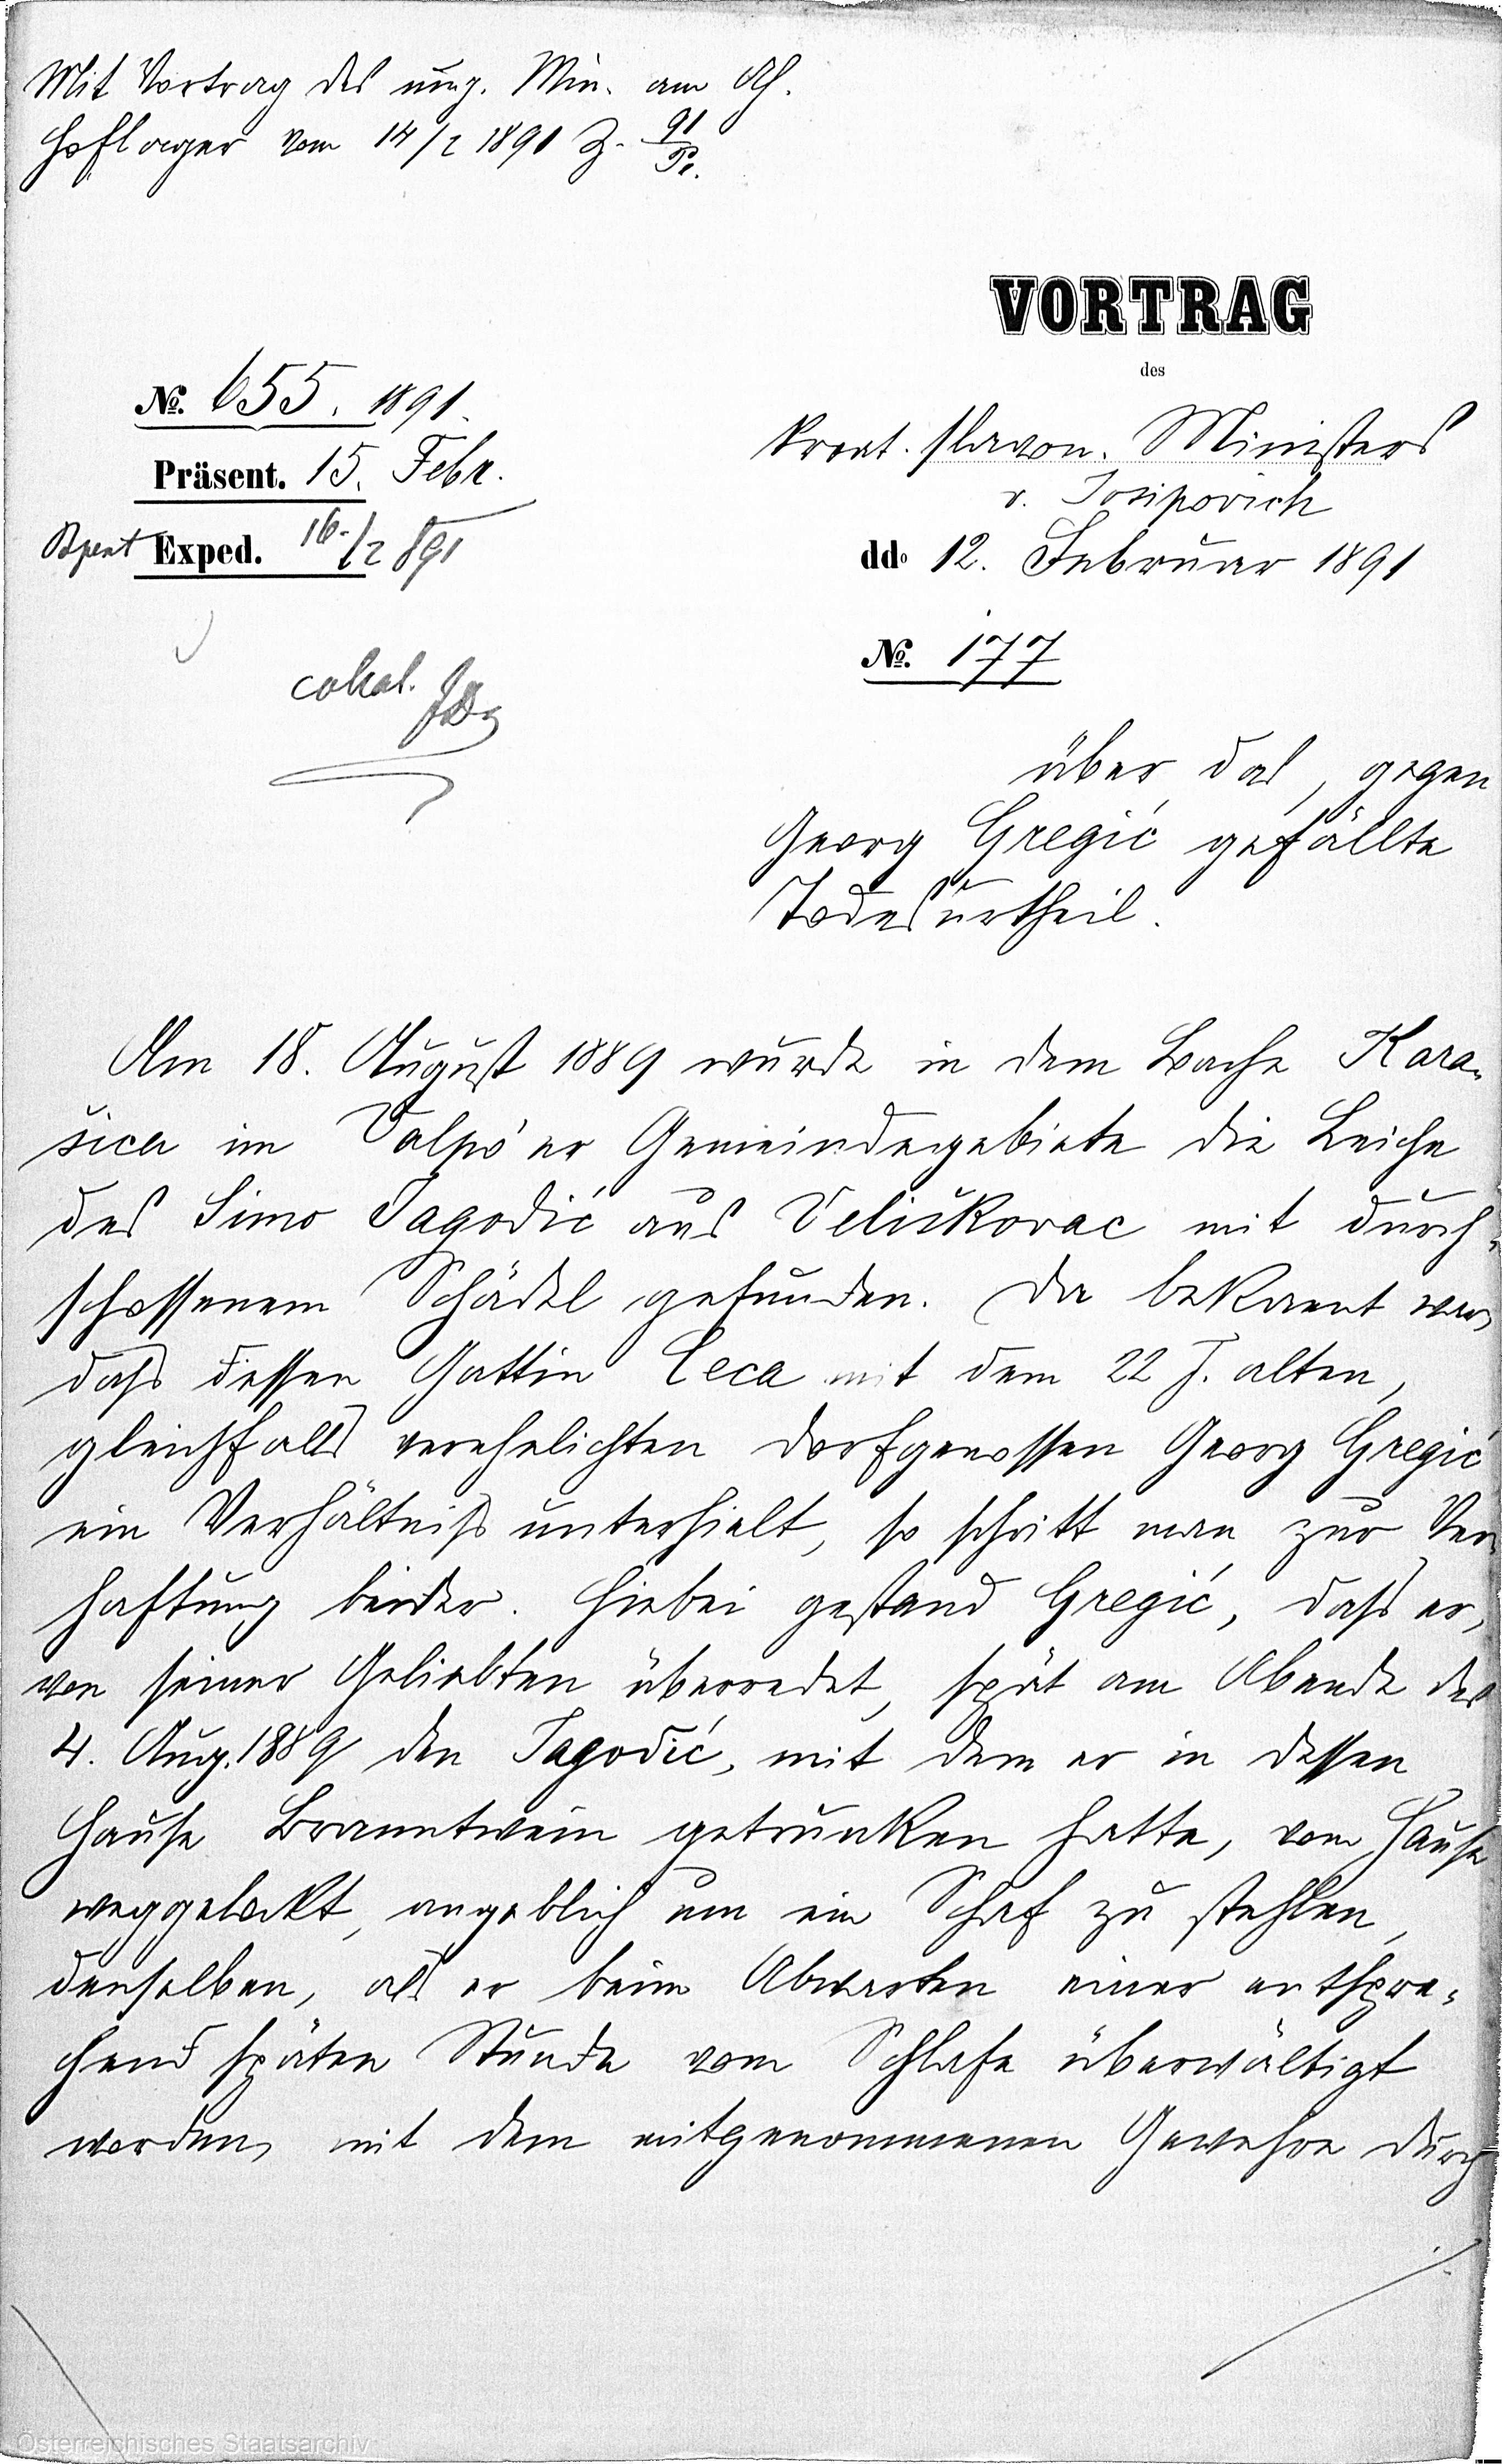Mit Vortrag des ung. Min. am Ah.
Hoflager vom 14/2 1890 Zl 91/Te
No. 655 – 1891
Präsent. 15. Febr
Bpest Expedit 16/2/1891
colcal
VORTRAG
Des
kroat. slavon. Ministers
v. Josipovich
Ddo 12 Februar 1891
No 177
über das, gegen
Georg Gregić gefällte
Todesurtheil.
Am 18. August 1889 wurde in dem Lache Kara¬
šich in in Valpo’er Gemeindegebiete die Leiche
des Simo Jagodić aus Veliškovac mit durch¬
geschossenem Schädl gefunden. Da bekannt war,
daß dessen Gattin Ceca mit dem 22 J. alten,
gleichfalls verehelichten Dorfgenossen Georg Gregić
im Verhältniß unterhielt, so schritt man zur Ver¬
haftung beider. Hiebei gestand Gregić, daß er,
von seiner Geliebten überredet, spät am Abende des
4. Aug. 1889 den Jagodić, mit dem er in dessen
Hause Branntwein getrunken hatte, vom Hause
weggelockt, angeblich um ein Schaf zu stehlen,
denselben als er beim Abwarten eines entspre¬
chend späten Stunde vom Schlafe überwältigt
werden, mit dem mitgenommenen Gewehr durch